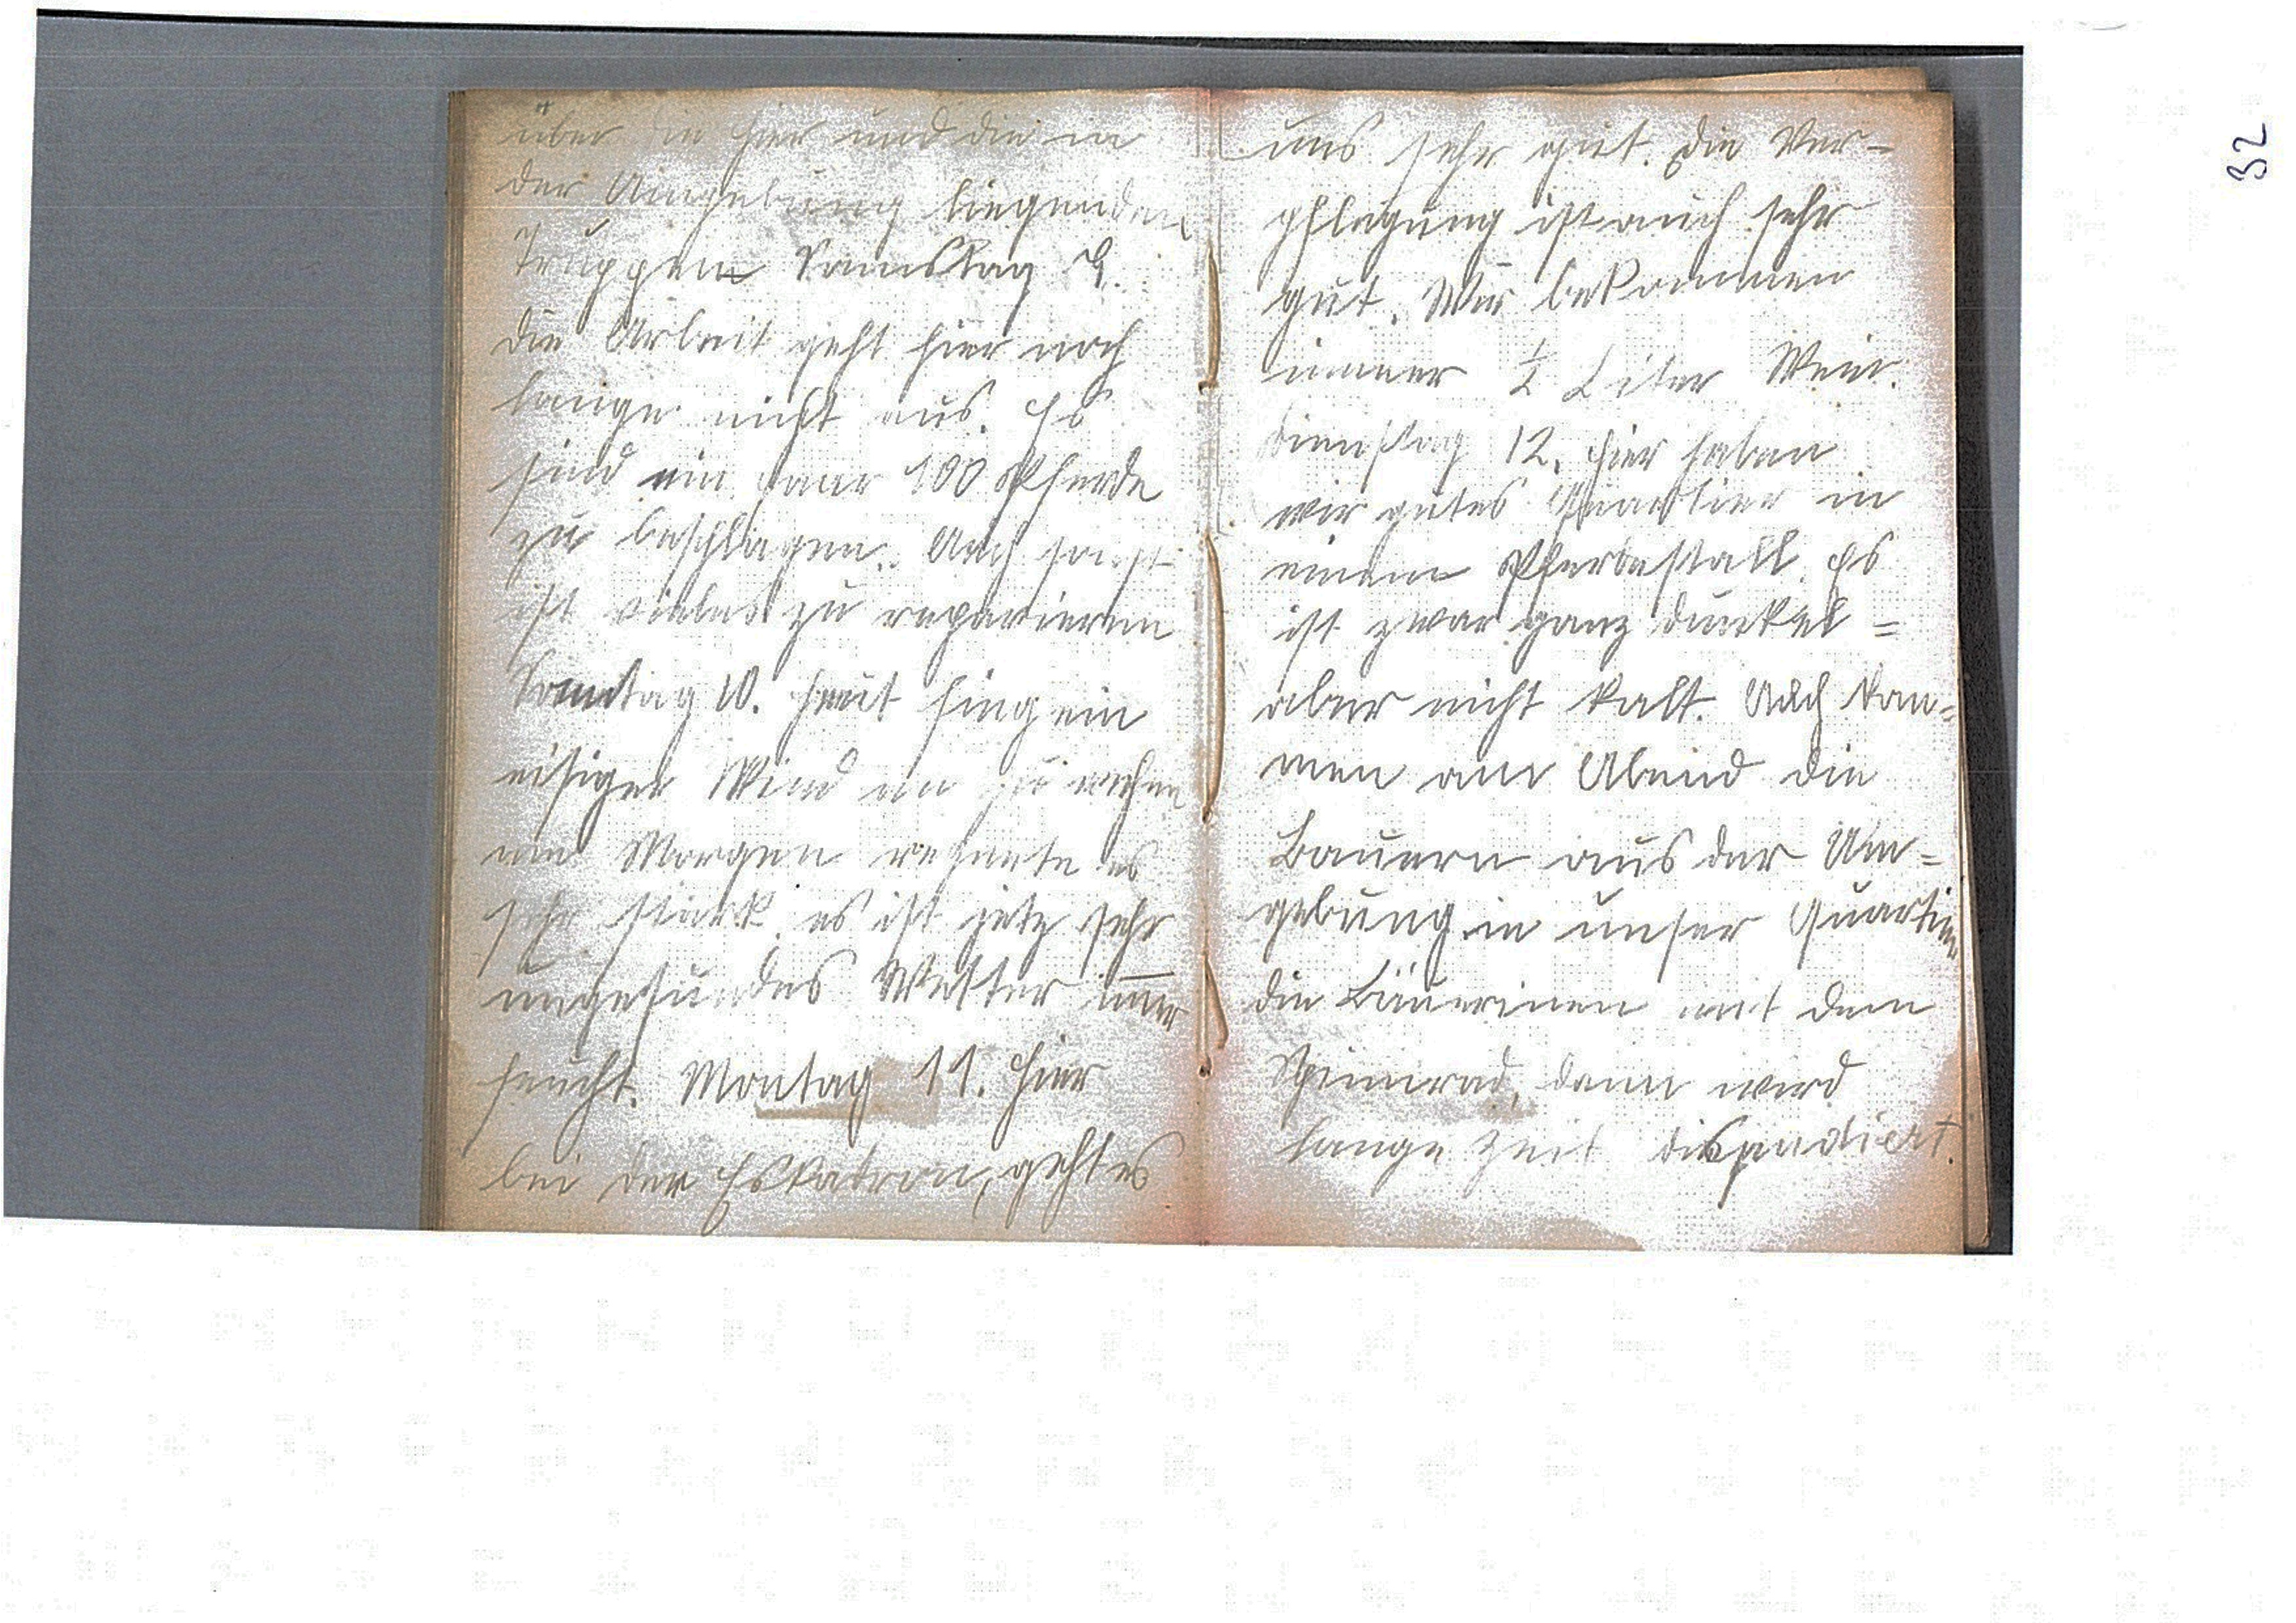über die hier und die in
der Umgebung liegenden
Truppenn. Samstag 9.
Die Arbeit geht hier noch
lange nicht aus. Es
sind ein paar 100 Pferde
zu beschlagen. Auch sonst
ist vieles zu reparieren.
Sonntag 10. Heut fing ein
eisiger Wind an zu wehen
am Morgen regnete es
sehr stark es ist jetzt sehr
ungesundes Wetter immer
feucht. Montag 11. hier
bei der Eskadron geht es
uns sehr gut. Die Ver-
pflegung ist auch sehr
gut. Wir bekommen
immer 1/2 Liter Wein.
Dienstag 12. Hier haben
wir gutes Quartier in
in einem Pferdestall. Es
ist zwar ganz dunkel
aber nicht kalt. Auch kam-
men am Abend die
Bauern aus der Um-
gebung in unser Quartier
die Bäurinnen mit dem
Spinnrad, dann wurd
lange Zeit dispudiert.